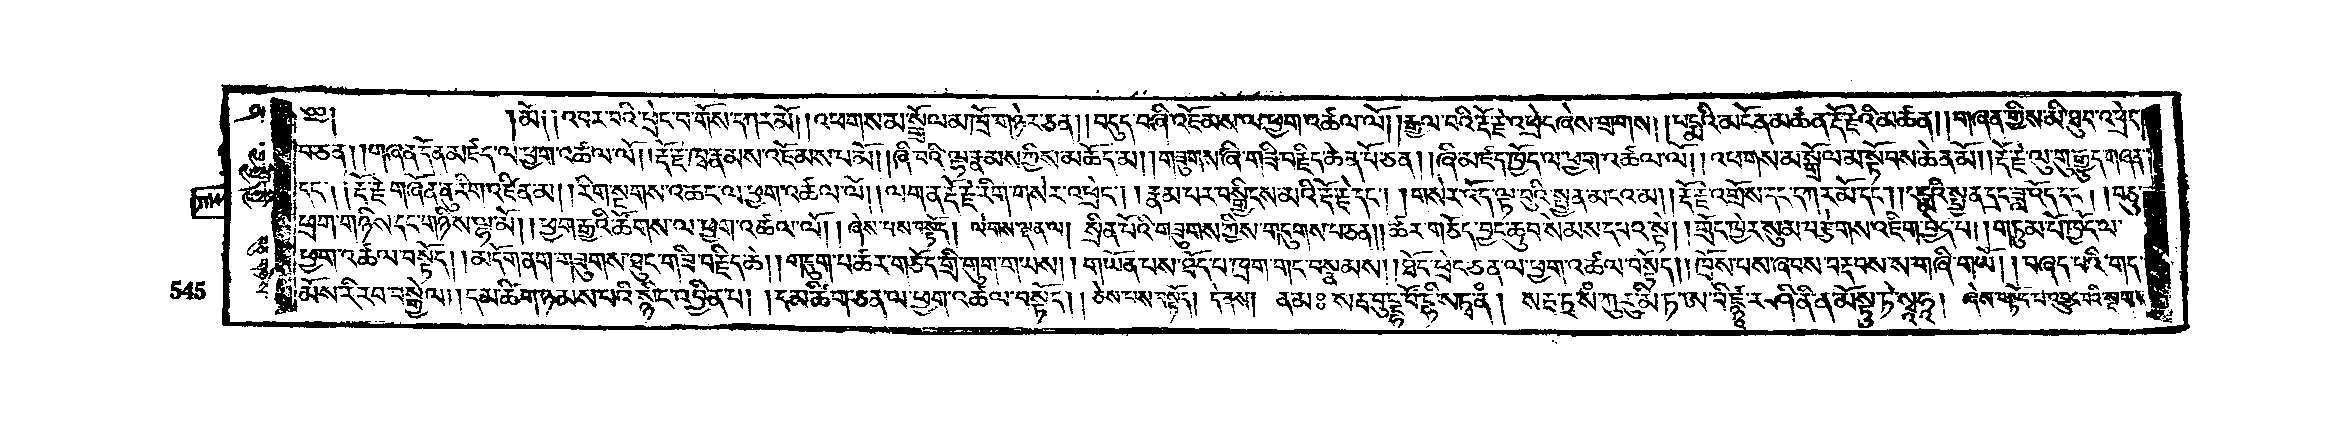༄༅། །མོ༑ ༑འབར་བའི་ཕྲེང་བ་གོས་དཀར་མོ། །འཕགས་མ་སྒྲོལ་མ་ཁྲོ་གཉེར་ཅན། །བདུད་བཞི་འཇོམས་ལ་ཕྱག་འཚལ་ལོ། །རྒྱལ་བའི་རྡོ་རྗེ་འཕྲེང་ཞེས་གྲགས། །པདམའི་མངོན་མཚན་རྡོ་རྗེའི་མཚན། །གཞན་གྱིས་མི་ཐུབ་འཕྲེང་
བ་ཅན། །གཞན་དོན་མཛད་ལ་ཕྱག་འཚལ་ལོ། །རྡོ་རྗེ་ཁྭ་རྣམས་འཇོམས་པ་མོ། །ཞི་བའི་ལྷ་རྣམས་ཀྱིས་མཆོད་མ། །གཟུགས་ཞི་གཟི་བརྗིད་ཆེན་པོ་ཅན། །ཞི་མཛད་ཁྱོད་ལ་ཕྱག་འཚལ་ལོ། །འཕགས་མ་སྒྲོལ་མ་སྟོབས་ཆེན་མོ། །རྡོ་རྗེ་ལུ་གུ་རྒྱུད་གཞན་
དང༑ ༑རྡོ་རྗེ་གཞོན་ནུ་རིག་འཛིན་མ། །རིག་སྔགས་འཆང་ལ་ཕྱག་འཚལ་ལོ། །ལག་ན་རྡོ་རྗེ་རིག་གསེར་འཕྲེང་། །རྣམ་པར་བསྒྱིངས་མའི་རྡོ་རྗེ་དང་། །གསེར་འོད་ལྟ་བུའི་སྤྱན་མངའ་མ། །རྡོ་རྗེ་འགྲོས་དང་དཀར་མོ་དང་། །པདམའི་སྤྱན་དང་ཟླ་འོད་དང་། །བཅུ་
ཕྲག་གཉིས་དང་གཉིས་ལྷ་མོ། །ཕྱག་རྒྱའི་ཚོགས་ལ་ཕྱག་འཚལ་ལོ། ། ཞེས་པས་བསྟོད། ལེགས་ལྡན་ལ། སྲིན་པོའི་གཟུགས་ཀྱིས་གདུགས་པ་ཅན། །ཚར་གཅོད་བྱང་ཆུབ་སེམས་དཔའ་སྟེ། །གྲོང་ཁྱེར་སུམ་བརྩེགས་འཇིག་བྱེད་པོ། །གཏུམ་པོ་ཁྱོད་ལ་
ཕྱག་འཚལ་བསྟོད། །མདོག་ནག་གཟུགས་ཐུང་གཟི་བརྗིད་ཆེ། །གདུག་པ་ཚར་གཅོད་གྲི་གུག་གཡས། །གཡོན་པས་ཐོད་པ་ཁྲག་གང་བསྣམས། །ཐོད་ཕྲང་ཅན་ལ་ཕྱག་འཚལ་བསྟོད། །ཁྲོས་པས་ཞབས་བརྡབས་ས་གཞི་གཡོ། །བཞད་པའི་གད་
མོས་རི་རབ་བསྒྱེལ། །དམ་ཚིག་ཉམས་པའི་སྙིང་འབྱིན་པ། །དམ་ཚིག་ཅན་ལ་ཕྱག་འཚལ་བསྟོད། ། ཅེས་པས་བསྟོད། དེ་ནས། ན་མཿ སརྦ་བུདྡྷ་བོ་དྷི་སཏྭ་ནཾ། སརྦ་ཏྲ་སཾ་ཀུ་རུ་མི་ཏ་ཨ་བིཛྙཱ་ར་ཤི་ནི་ན་མོསྟུ་ཏེ་སྭཱཧཱ། ཞེས་བསྟོད་པ་འབྱུང་བའི་སྔགས་